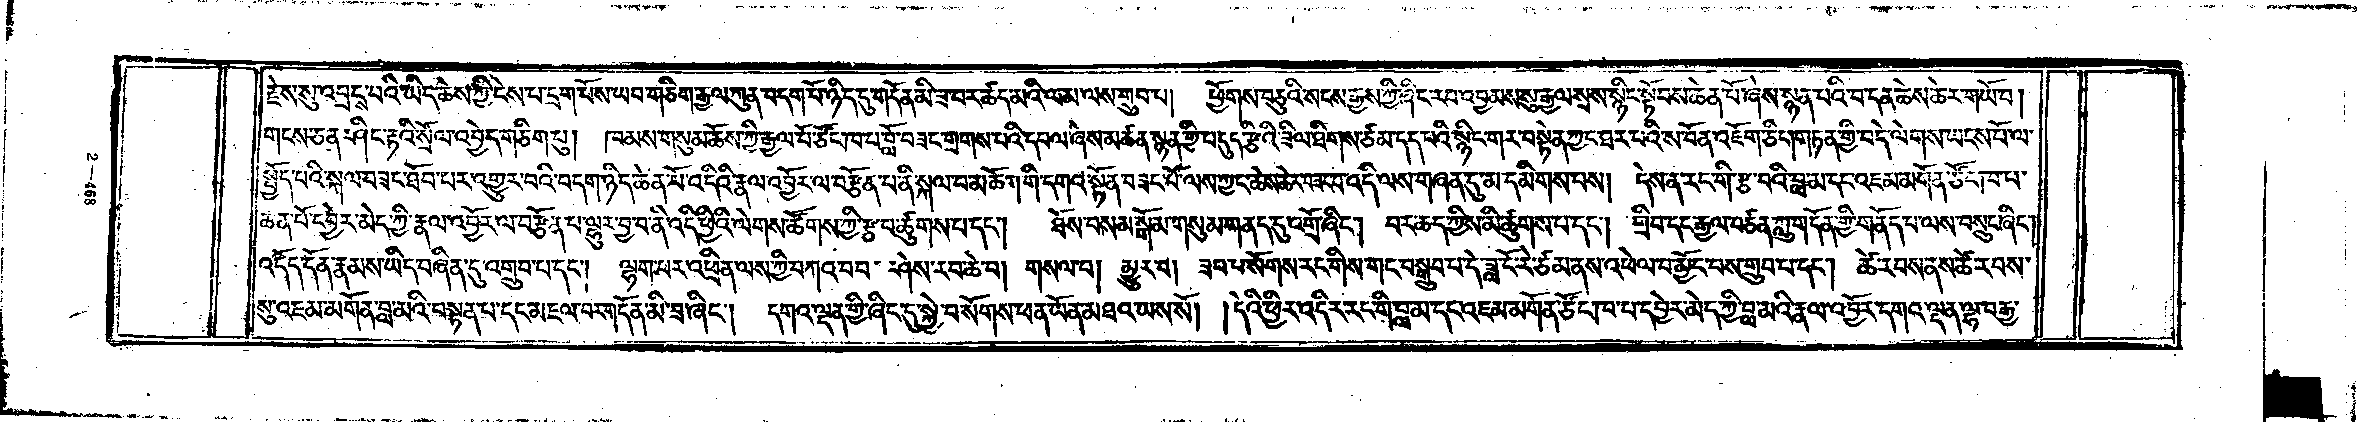རྗེས་སུ་འབྲངས་པའི་ཡིད་ཆེས་ཀྱི་ངེས་པ་དྲག་པོས་ཡབ་གཅིག་རྒྱལ་ཀུན་བདག་པོ་ཉིད་དུ་གདོན་མི་ཟ་བར་ཚད་མའི་ལམ་ལས་གྲུབ་པ། །ཕྱོགས་བཅུའི་སངས་རྒྱས་ཀྱི་ཞིང་རབ་འབྱམས་སུ་རྒྱལ་སྲས་སྙིང་སྟོབས་ཆེན་པོ་ཞེས་སྙན་པའི་བདན་ཆེས་ཆེར་གཡོབ།
གངས་ཅན་ཤིང་རྟའི་སྲོལ་འབྱེད་གཅིག་པུ། ཁམས་གསུམ་ཆོས་ཀྱི་རྒྱལ་པོ་ཙོང་ཁ་པ་བློ་བཟང་གྲགས་པའི་དཔལ་ཞེས་མཚན་སྙན་གྱི་བདུད་རྩིའི་ཟིལ་ཐིགས་ཙམ་དད་པའི་སྙིང་གར་བསྟེན་ཀྱང་ཐར་བའི་ས་བོན་འཇོག་ཅིང་། གཏན་གྱི་བདེ་ལེགས་ཡངས་པོ་ལ་
སྤྱོད་པའི་སྐལ་བཟང་ཐོབ་པར་འགྱུར་བའི་བདག་ཉིད་ཆེན་པོ་འདིའི་རྣལ་འབྱོར་ལ་བརྩོན་པ་ནི་སྐལ་བ་མཆོག་གི་དགའ་སྟོན་བཟང་པོ་ལས་ཀྱང་ཆེས་ཆེར་བཟང་བ་འདི་ལས་གཞན་དུ་མ་དམིགས་པས། དེས་ན་རང་གི་རྩ་བའི་བླ་མ་དང་འཇམ་མགོན་ཙོང་ཁ་པ་
ཆེན་པོ་དབྱེར་མེད་ཀྱི་རྣལ་འབྱོར་ལ་བརྩོན་པ་ལྷུར་བྱ་བ་ནི་འདི་ཕྱིའི་ལེགས་ཚོགས་ཀྱི་རྩ་བ་ཚུགས་པ་དང་། ཐོས་བསམ་སྒོམ་གསུམ་གནད་དུ་འགྲོ་ཞིང་། བར་ཆད་ཀྱིས་མི་མཚུངས་པ་དང་། གྲིབ་དང་རྒྱལ་བཙན་ཀླུ་གདོན་གྱི་གནོད་པ་ལས་བསྲུང་ཞིང་།
འདོད་དོན་རྣམས་ཡིད་བཞིན་དུ་འགྲུབ་པ་དང་། ལྷག་པར་འཕྲིན་ལས་ཀྱི་བཀའ་བབ་ཤེས་རབ་ཆེ་བ། གསལ་བ། མྱུར་བ། ཟབ་པ་སོགས་རང་གིས་གང་བསྒྲུབ་པ་དེ་ཟླ་ངོ་རེ་ཙམ་ནས་འཕེལ་བ་མྱོང་བས་གྲུབ་པ་དང་། ཚེ་རབས་ནས་ཚེ་རབས་
སུ་འཇམ་མགོན་བླ་མའི་བསྟན་པ་དང་མཇལ་བར་གདོན་མི་ཟ་ཞིང་། དགའ་ལྡན་གྱི་ཞིང་དུ་སྐྱེ་བ་སོགས་ཕན་ཡོན་མཐའ་ཡས་སོ། །དེའི་ཕྱིར་འདིར་རང་གི་བླ་མ་དང་འཇམ་མགོན་ཙོང་ཁ་པ་དབྱེར་མེད་ཀྱི་བླ་མའི་རྣལ་འབྱོར་དགའ་ལྡན་ལྷ་བརྒྱ་